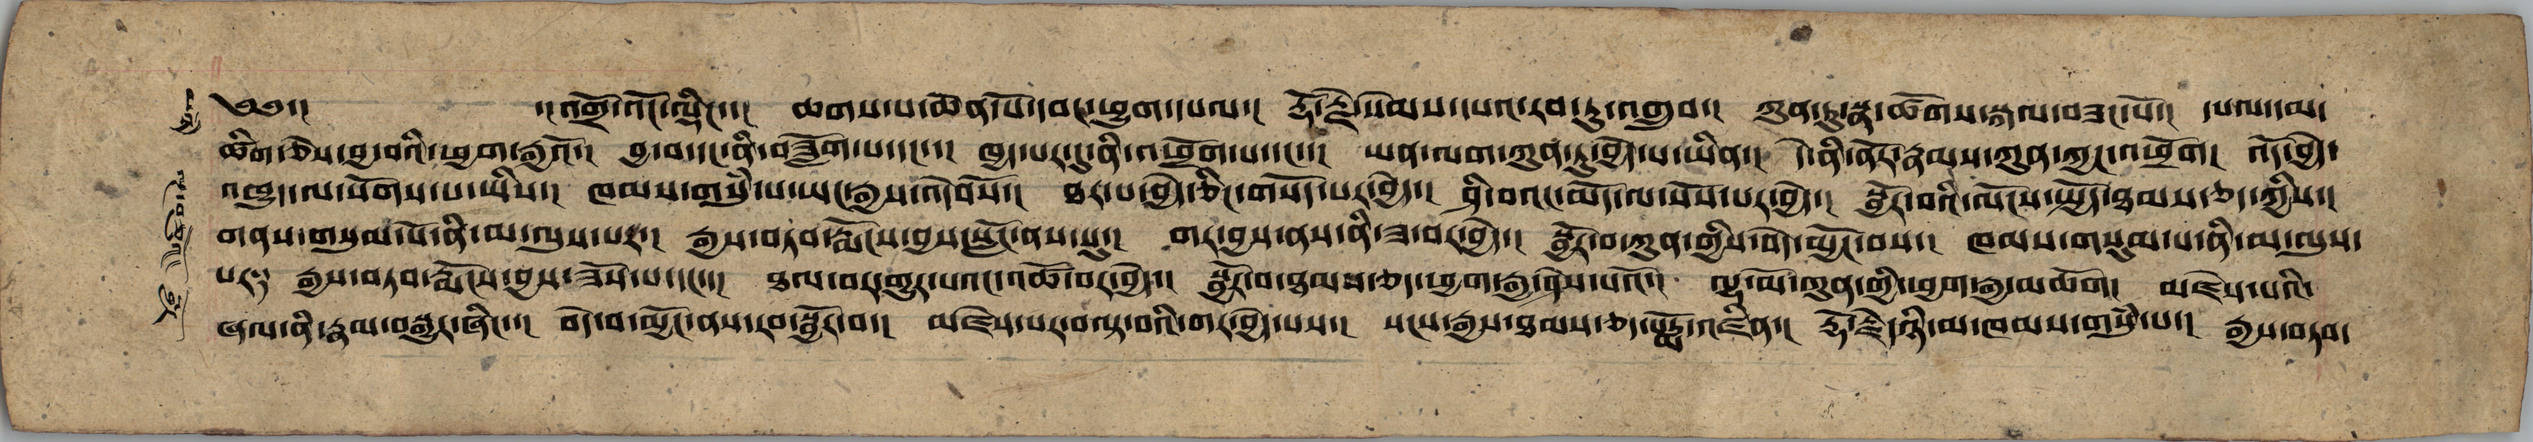༄༅་། ་།འགྲོ་འོང་ལྡིང་་། ཆགས་པ་ཆེན་པོ་དབང་ཕྱུག་དཔལ་། རྡོ་རྗེ་སེམས་དཔའ་རབ་ཏུ་འགྲུབ་། ཀུན་ཏུ་སྣ་ཚོགས་་སྐལ་བཟང་པོ་། དཔལ་དམ་
ཚིག་ཅེས་བྱ་བའི་ཕྱག་རྒྱའོ་། བྱ་བ་དང་ནི་བཟློག་པ་དང་་། ཁྱད་པར་དུ་ནི་འཕྲོག་པ་དང་་། ཡན་ལག་ཀུན་ཏུ་བྱེད་པ་ཡིན་། དེ་ནིནོར་རྣམས་ཀུན་ཀྱང་འཕྲོག། འོད་བྱེད་
འཁྱུད་ལ་སོགས་པ་ཡིས་། ཁམས་གསུཾ་པ་ཡང་རྒྱས་འདེབསོ་། ཐར་པ་བྱེད་ཅིང་གསོད་པར་བྱེད་། ཤི་བའང་མོད་ལ་སོས་པར་བྱེད་། སྦྱོར་བའི་ལོངས་སྤྱོད་ཐམས་ཅད་ཀྱིས་།
གནས་གསུམ་པོ་ནི་མ་ལུས་པར་། རྒྱས་བཏབ་རྨོངས་བྱས་སློང་ནས་སུ་། གར་བྱས་ནས་ནི་ཟ་བར་བྱེད་། སྦྱོར་བ་ཀུན་གྱིས་བདེ་མྱོང་བས་། ཁམས་གསུམ་པ་ནི་མ་ལུས་
པར༑ རྒྱས་བཏབ་རྨོངས་བྱས་ཟོས་པ་དང་་། ཐལ་བར་གྱུར་པའང་འཚོ་བར་བྱེད་། སྦྱོར་བ་ཐམས་ཅད་ཕྱག་རྒྱ་ཤེས་པའོ་། ལྷ་མོ་ཀུན་གྱི་ཕྱག་རྒྱ་མཆོག། མཛེས་པའི་
ཞལ་ནི་རྣམ་བསྒྱུར་ཞིང་་། བདེ་བ་མྱོང་ནས་རབ་སྦྱོར་བ་། མཛེས་པར་བལྟ་བའི་གར་བྱེད་པས་། སངས་རྒྱས་ཐམས་ཅད་པདྨོ་འཛིན་། རྡོ་རྗེ་ཉི་མ་ཁམས་གསུཾ་པ་། རྒྱས་བཏབ་